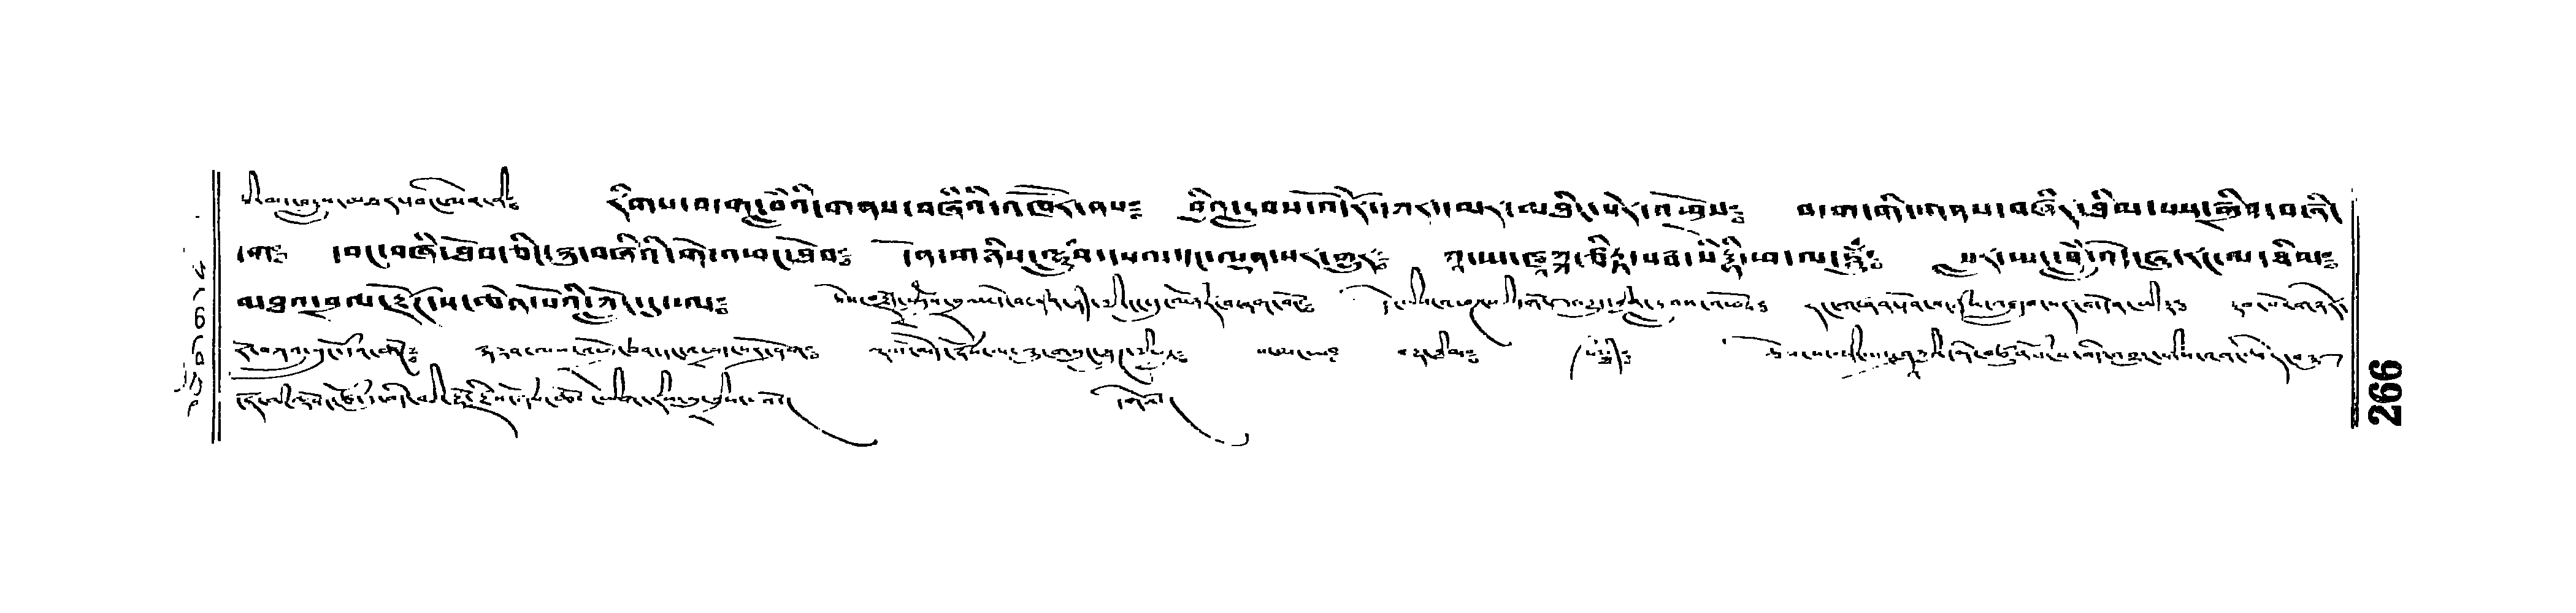ཅི་མང་བཟླས་མཐར་དབང་ལེན་ནི༔ རིགས་བདག་བླ་མའི་གནས་བཞིའི་འཁོར་ལོ་ནས༔ བྱིན་རླབས་འོད་ཟེར་དཀར་དམར་མཐིང་སེར་འཕྲོས༔ བདག་གི་གནས་བཞིར་ཐིམ་པས་སྒྲིབ་བཞི་
དག༔ དབང་བཞི་ཐོབ་ཅིང་སྐུ་བཞིའི་གོ་འཕང་ཐོབ༔ དོན་གཉིས་ལྷུན་གྲུབ་དཔལ་དང་ལྡན་པར་གྱུར༔ ཀཱ་ཡ་ཝཱཀྐ་ཙིཏྟ་སརྦ་སིདྡྷི་ཕ་ལ་ཧཱུྃ༔ སླར་ཡང་བླ་མ་འོད་ཞུ་རང་ལ་ཐིམ༔ 
མཐའ་བྲལ་རྫོགས་པ་ཆེན་པོའི་ཀློང་དུ་ཨཱཿ ཅེས་བརྗོད་སྤྲོས་བྲལ་དེ་བཞིན་ཉིད་ཀྱི་ངང་དུ་མཉམ་པར་བཞག་གོ༔ དེ་ཡིས་འཕགས་པའི་དགོངས་བརྒྱུད་བྱིན་རླབས་འཕོས༔ རང་གཞན་དོན་གཉིས་འགྲུབ་པར་གདོན་པའི་ཟ༔ ཟབ་བོ་གཉེར་
རོ་བཀའ་སྲུང་དམ་ཅན་ཚོགས༔ སྐལ་ལྡན་ལས་འཕྲོ་ཅན་དང་འཕྲད་པར་ཤོག༔ སྐལ་མེད་རྣམས་ལ་སྐུ་གསུང་ཐུགས་ཀྱི་རྒྱཿ ས་མ་ཡ༔ ༔ ཅེས་པ་འདི་ཡང་ཤཱཀྱའི་དགེ་བཙུན་དམ་པ་བདེ་འབྱུང་གིས་ནན་ཆེར་བསྐུལ་
ངོ་མི་ལྡོག་ཙམ་དུ་བདེ་བའི་རྡོ་རྗེས་ཉམས་ཆོས་ཡིག་རིས་སུ་བྲིས་པ་དགེའོ།།